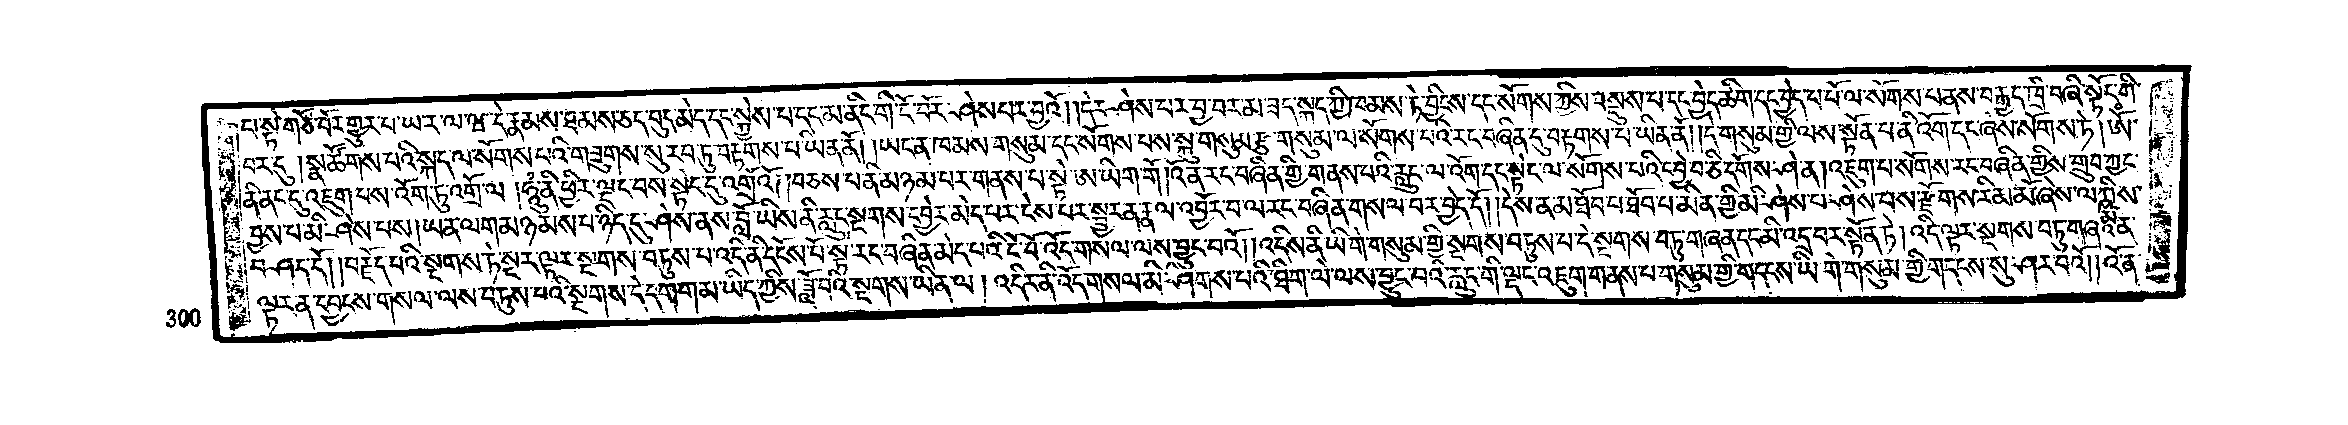པ་སྟེ་གཙོ་བོར་གྱུར་པ་ཡ་ར་ལ་ཝ་དེ་རྣམས་ཐམས་ཅད་བུད་མེད་དང་སྐྱེས་པ་དང་མ་ནིང་གི་ངོ་བོར་ཤེས་པར་བྱའོ། །དེར་ཤེས་པར་བྱ་བར་མ་ཟད་སྐད་ཀྱི་ཁམས་ཏེ་བྱིངས་དང་སོགས་ཀྱིས་བསྡུས་པ་དང་བྱེད་ཚིག་དང་བྱེད་པ་པོ་ལ་སོགས་པ་ནས་བརྒྱད་ཁྲི་བཞི་སྟོང་གི་
བར་དུ། སྣ་ཚོགས་པའི་སྐད་ལ་སོགས་པའི་གཟུགས་སུ་རབ་ཏུ་བརྟགས་པ་ཡིན་ནོ། །ཡང་ན་ཁམས་གསུམ་དང་སོགས་པས་སྐུ་གསུམ་རྩ་གསུམ་ལ་སོགས་པའི་རང་བཞིན་དུ་བརྟགས་པ་ཡིན་ནོ། །དེ་གསུམ་གྱི་ལས་སྟོན་པ་ནི་འོག་དང་ཞེས་སོགས་ཏེ། ཨོཾ་
ནི་ནང་དུ་འཇུག་པས་འོག་ཏུ་འགྲོ་ལ། ཧཱུཾ་ནི་ཕྱིར་ལྡང་བས་སྟེང་དུ་འགྲོའོ། །བཅས་པ་ནི་མཉམ་པར་གནས་པ་སྟེ་ཨ་ཡིག་གོ །འོ་ན་རང་བཞིན་གྱི་གནས་པའི་རླུང་ལ་འོག་དང་སྟེང་ལ་སོགས་པའི་དབྱེ་བ་ཅི་དགོས་ཤེ་ན། འཇུག་པ་སོགས་རང་བཞིན་གྱིས་གྲུབ་ཀྱང་
བྱས་པ་མི་ཤེས་པས། ཡན་ལག་མ་ཉམས་པ་ཉིད་དུ་ཤེས་ནས་བློ་ཡིས་ནི་རླུང་སྔགས་དབྱེར་མེད་པར་ངེས་པར་སྦྱར་ན་རྣལ་འབྱོར་བ་ལ་རང་བཞིན་གསལ་བར་བྱེད་དོ། །དེས་ན་མ་ཐོབ་པ་ཐོབ་པ་མིན་གྱི་མི་ཤེས་པ་ཤེས་པས་རྫོགས་རིམ་མོ་ཞེས་ལཀྵྨཱིས་
བཤད་དོ། །བརྗོད་པའི་སྔགས་ཏེ་སྔར་ལྟར་སྔགས་བཏུས་པ་འདི་ནི་དངོས་པོ་སྟེ་རང་བཞིན་མེད་པའི་ངོ་བོ་འོད་གསལ་ལས་བྱུང་བའོ། །འདིས་ནི་ཡི་གེ་གསུམ་གྱི་སྔགས་བཏུས་པ་དེ་སྔགས་བཏུ་གཞན་དང་མི་འདྲ་བར་སྟོན་ཏེ། འདི་ལྟར་སྔགས་བཏུ་གཞན་
ལྟར་ན་དབྱངས་གསལ་ལས་བཏུས་པའི་སྔགས་དེ་དག་གམ་ཡིད་ཀྱིས་ཟློ་བའི་སྔགས་ཡིན་ལ། འདིར་ནི་འོད་གསལ་མི་ཤིགས་པའི་ཐིག་ལེ་ལས་བྱུང་བའི་རླུང་གི་ལྡང་འཇུག་གནས་པ་གསུམ་གྱི་གདངས་ཡི་གེ་གསུམ་གྱི་གདངས་སུ་ཤར་བའོ། །འོ་ན་